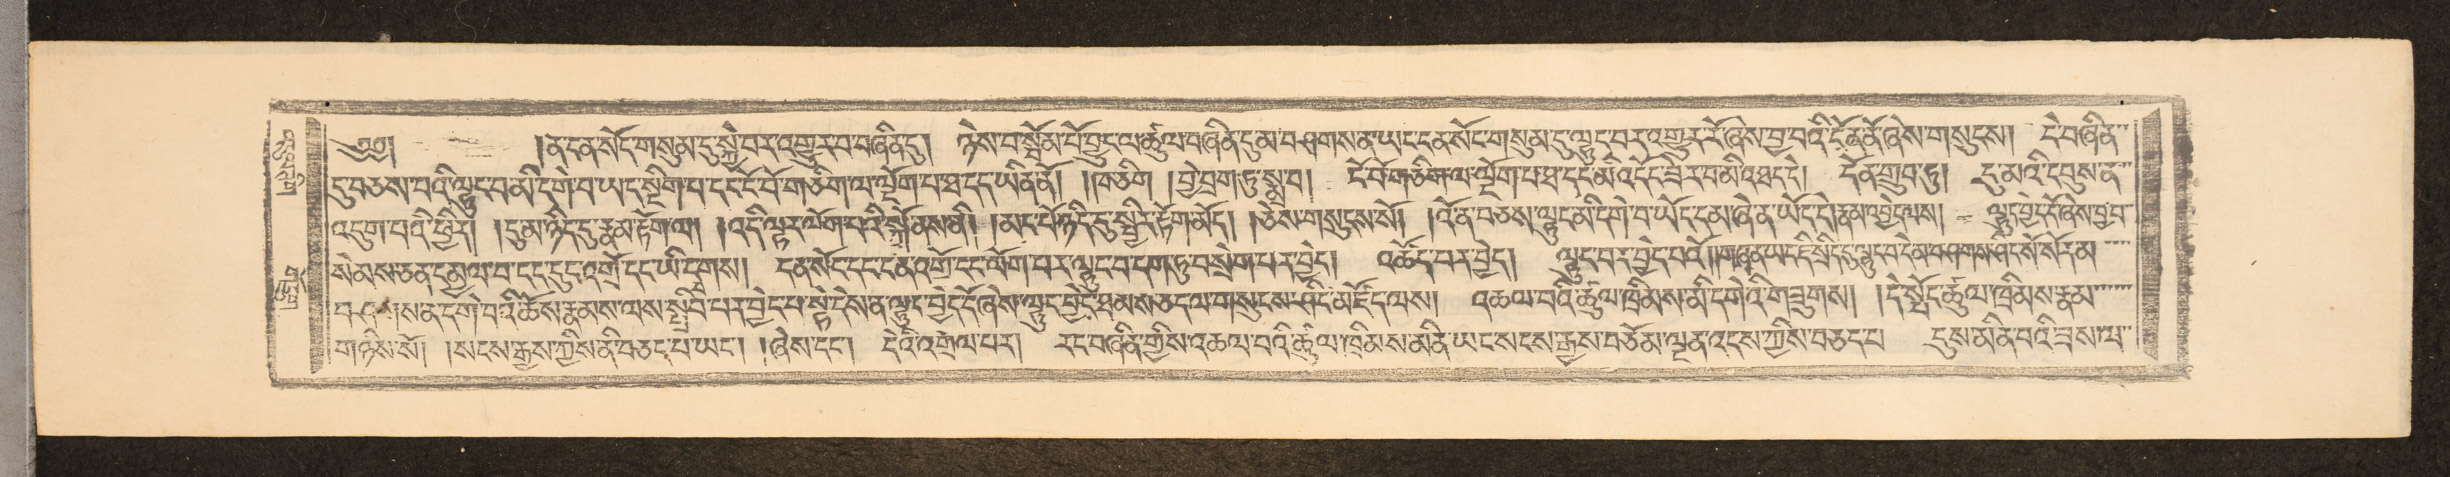༄༅། །ན་ངན་སོང་གསུམ་དུ་སྐྱེ་བར་འགྱུར་བ་བཞིན་དུ། ཉེས་པ་སྦོམ་པོ་བྱུང་ལ་ཚུལ་བཞིན་དུ་མ་བཤགས་ན་ཡང་ངན་སོང་གསུམ་དུ་ལྟུང་བར་འགྱུར་རོ་ཞེས་བྱ་བའི་དོན་ནོ་ཞེས་གསུངས། དེ་བཞིན་
དུ་བཅས་པའི་ལྟུང་བ་མི་དགེ་བ་ཡང་སྡིག་པ་དང་ངོ་བོ་གཅིག་ལ་ལྡོག་པ་ཐ་དད་ཡིན་ནོ། །ཁ་ཅིག །བྱེ་བྲག་ཏུ་སྨྲ་བ། ངོ་བོ་གཅིག་ལ་ལྡོག་པ་ཐ་དད་མི་འདོད་ཟེར་བ་མི་འཐད་དེ། དོན་གྲུབ་ཏུ། དུ་མའི་དབུས་ན་
འདུག་པའི་ཕྱིར། །དུ་མ་ཉིད་དུ་རྣམ་རྟོག་ལ། །འདི་ལྟར་ལྡོག་པའི་སྒོ་ནས་ནི། །མང་པོ་ཉིད་དུ་སྤྱིར་རྟོག་མོད། །ཅེས་གསུངས་སོ། །འོ་ན་བཅས་ལྟུང་མི་དགེ་བ་ཡོད་དམ་ཞེ་ན་ཡོད་དེ། རྣམ་འབྱེད་ལས། ལྟུང་བྱེད་དོ་ཞེས་བྱ་བ་
སེམས་ཅན་དམྱལ་བ་དང་དུད་འགྲོ་དང་ཡི་དྭགས། ངན་སོང་དང་ངན་འགྲོ་དང་ལོག་པར་ལྟུང་བ་དག་ཏུ་བསྲེག་པར་བྱེད། འཚོད་པར་བྱེད། ལྟུང་བར་བྱེད་པའོ། །ཞན་ཡང་ཇི་སྲིད་དུ་ལྟུང་བ་དེ་མ་བཤགས་ཞིང་སོ་སོར་མ་
བཤགས་ན་དགེ་བའི་ཆོས་རྣམས་ལས་སྒྲིབ་པར་བྱེད་པ་སྟེ་དེས་ན་ལྟུང་བྱེད་དོ་ཞེས་ལྟུང་བྱེད་ཐམས་ཅད་ལ་གསུངས་ཤིང་མཛོད་ལས། འཆལ་བའི་ཚུལ་ཁྲིམས་མི་དགེའི་གཟུགས། །དེ་སྤོང་ཚུལ་ཁྲིམས་རྣམ་
གཉིས་སོ། །སངས་རྒྱས་ཀྱིས་ནི་བཅད་པ་ཡང་། །ཞེས་དང་། དེའི་འགྲེལ་པར། རང་བཞིན་གྱིས་འཆལ་བའི་ཚུལ་ཁྲིམས་མིན་ཡང་སངས་རྒྱས་བཅོམ་ལྡན་འདས་ཀྱིས་བཅད་པ། དུས་མིན་པའི་ཟས་ལ་